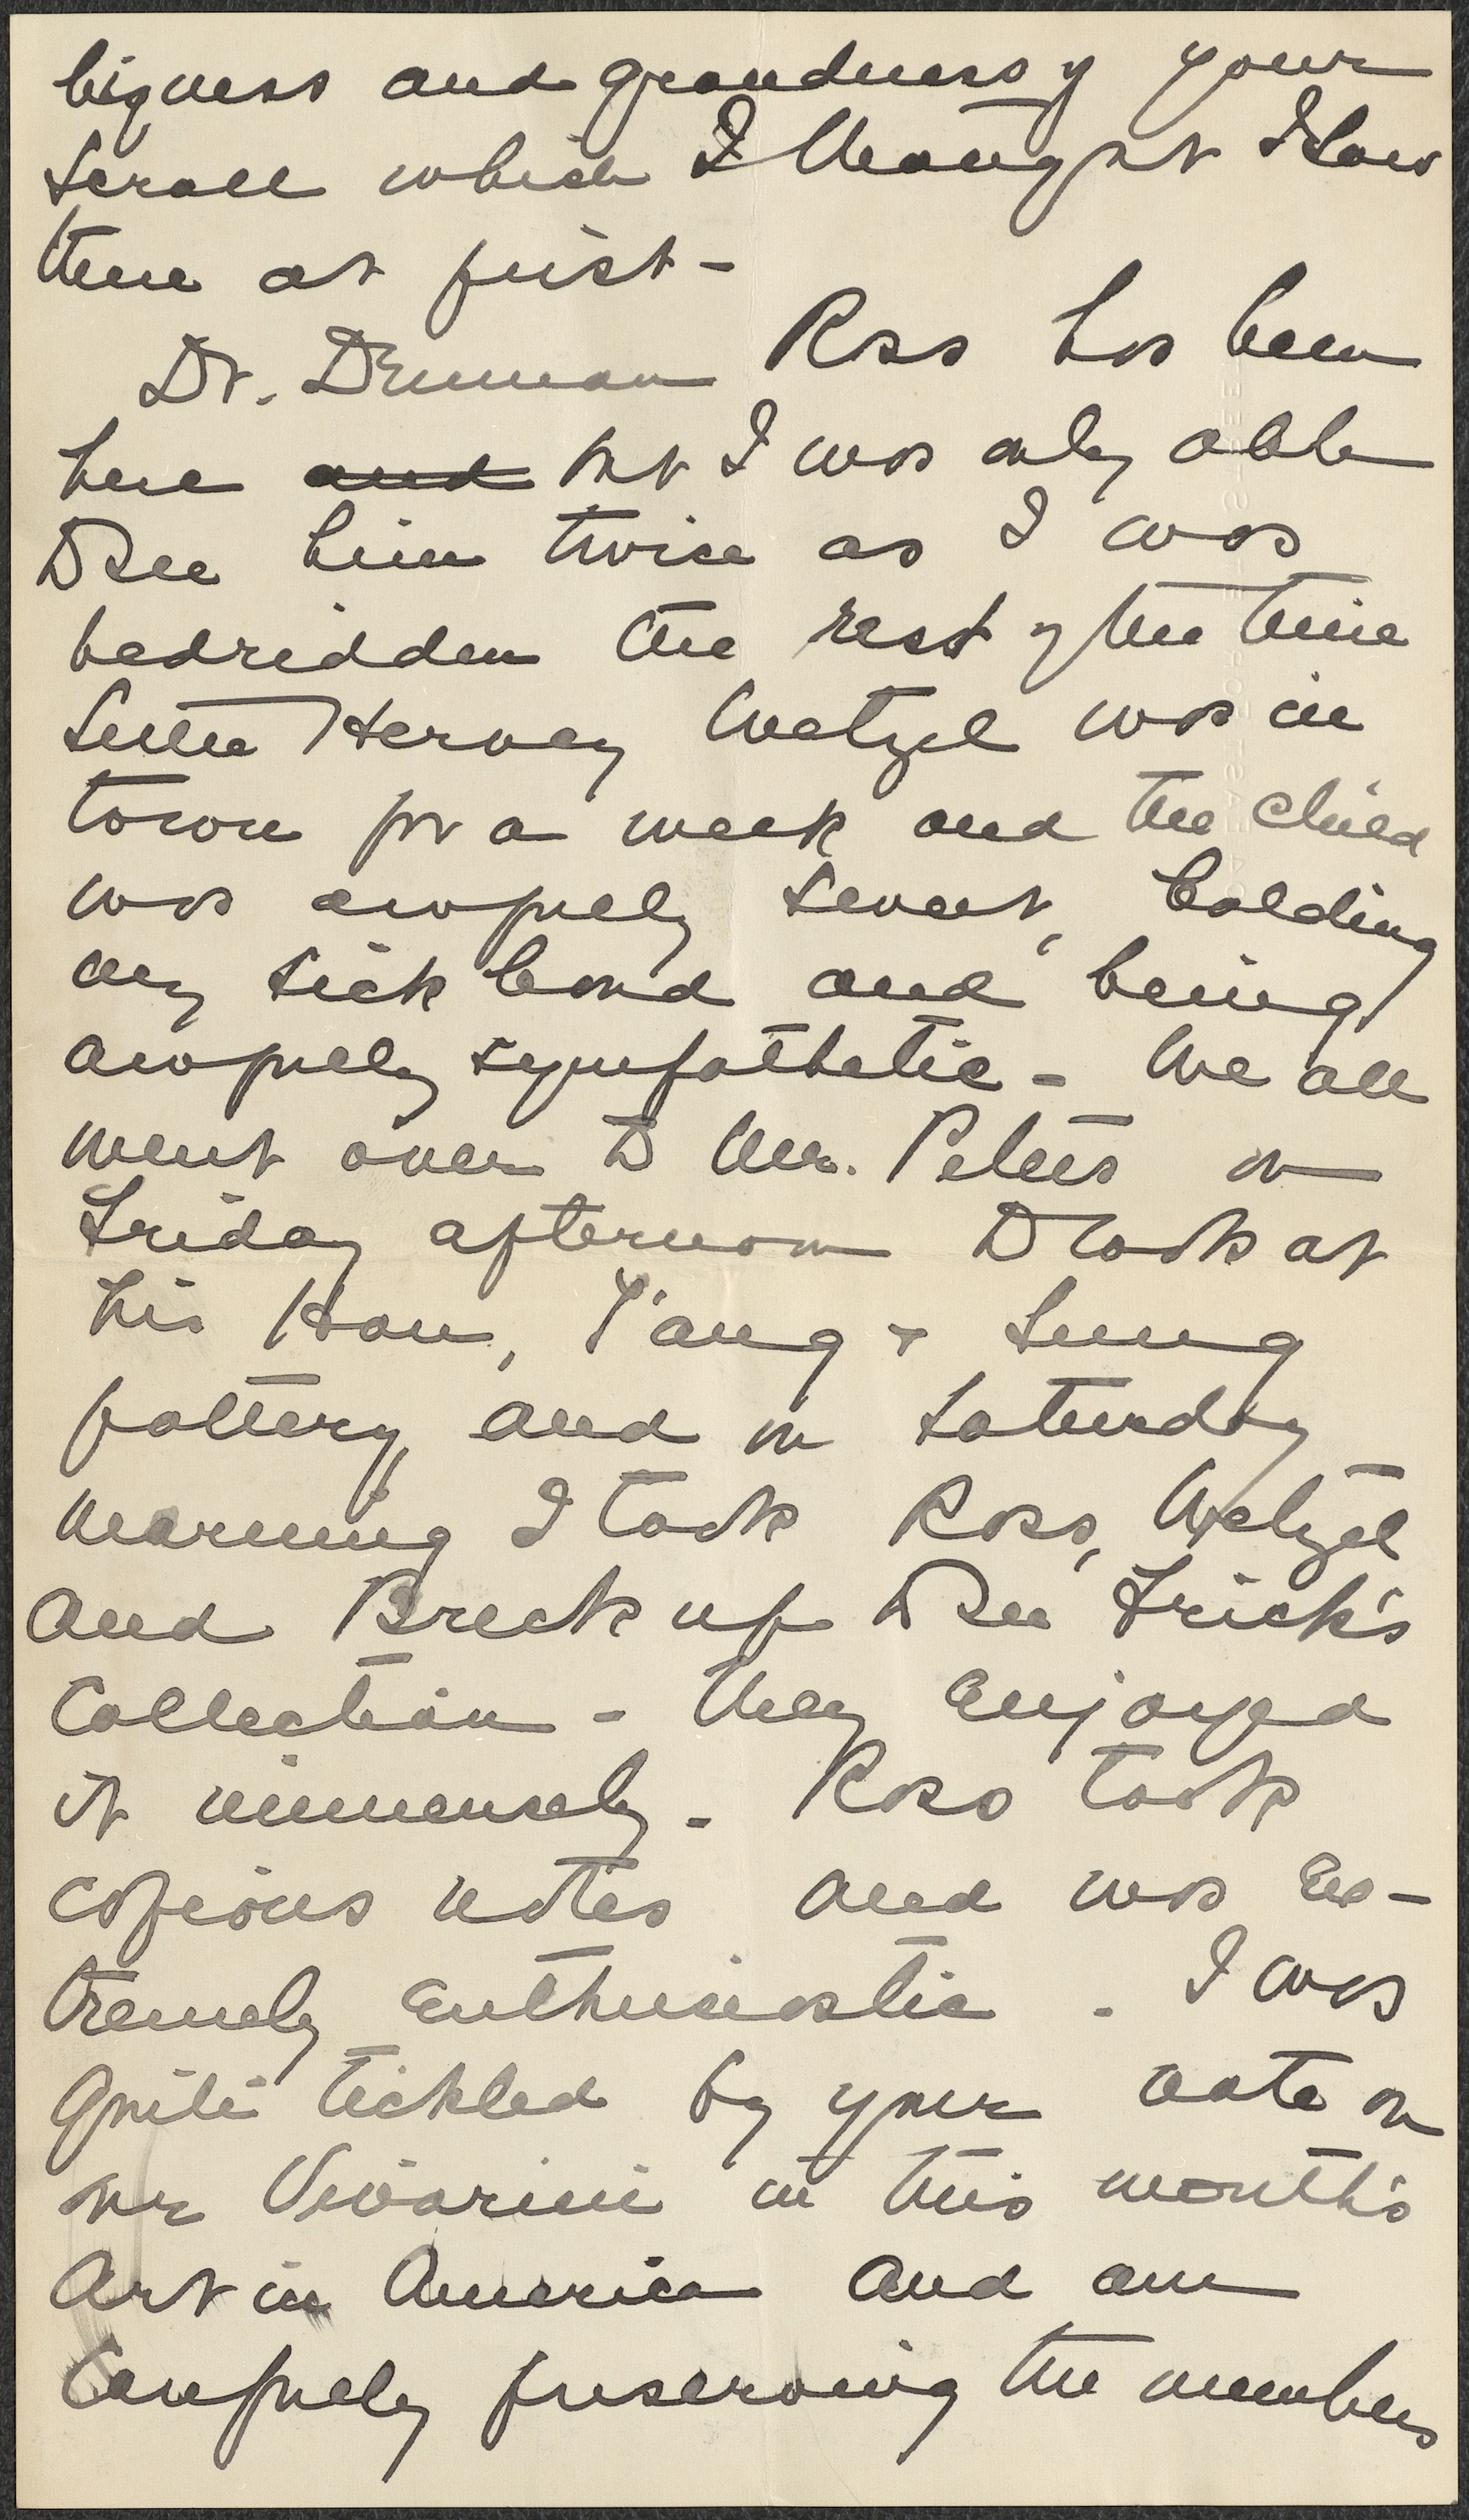bigness and grandness of your scroll which I thought I saw there at first –
Dr. Denman Ross has been here and but I was only able to see him twice as I was bedridden the rest of the time since Harvey Wetzel was in town for a week and the child was awfully sweet, holding my sick hand and being awfully sympathetic – we all went over to Mr. Peters on Friday afternoon to look at his Han, T’ang & Sung pottery and on Saturday morning I took Ross, Wetzel and Breck up to see Frick’s collection – they enjoyed it immensely – Ross took copious notes and was extremely enthusiastic. I was quite tickled by your note on our Vivarini in this month’s Art in America and am carefully preserving the numbers